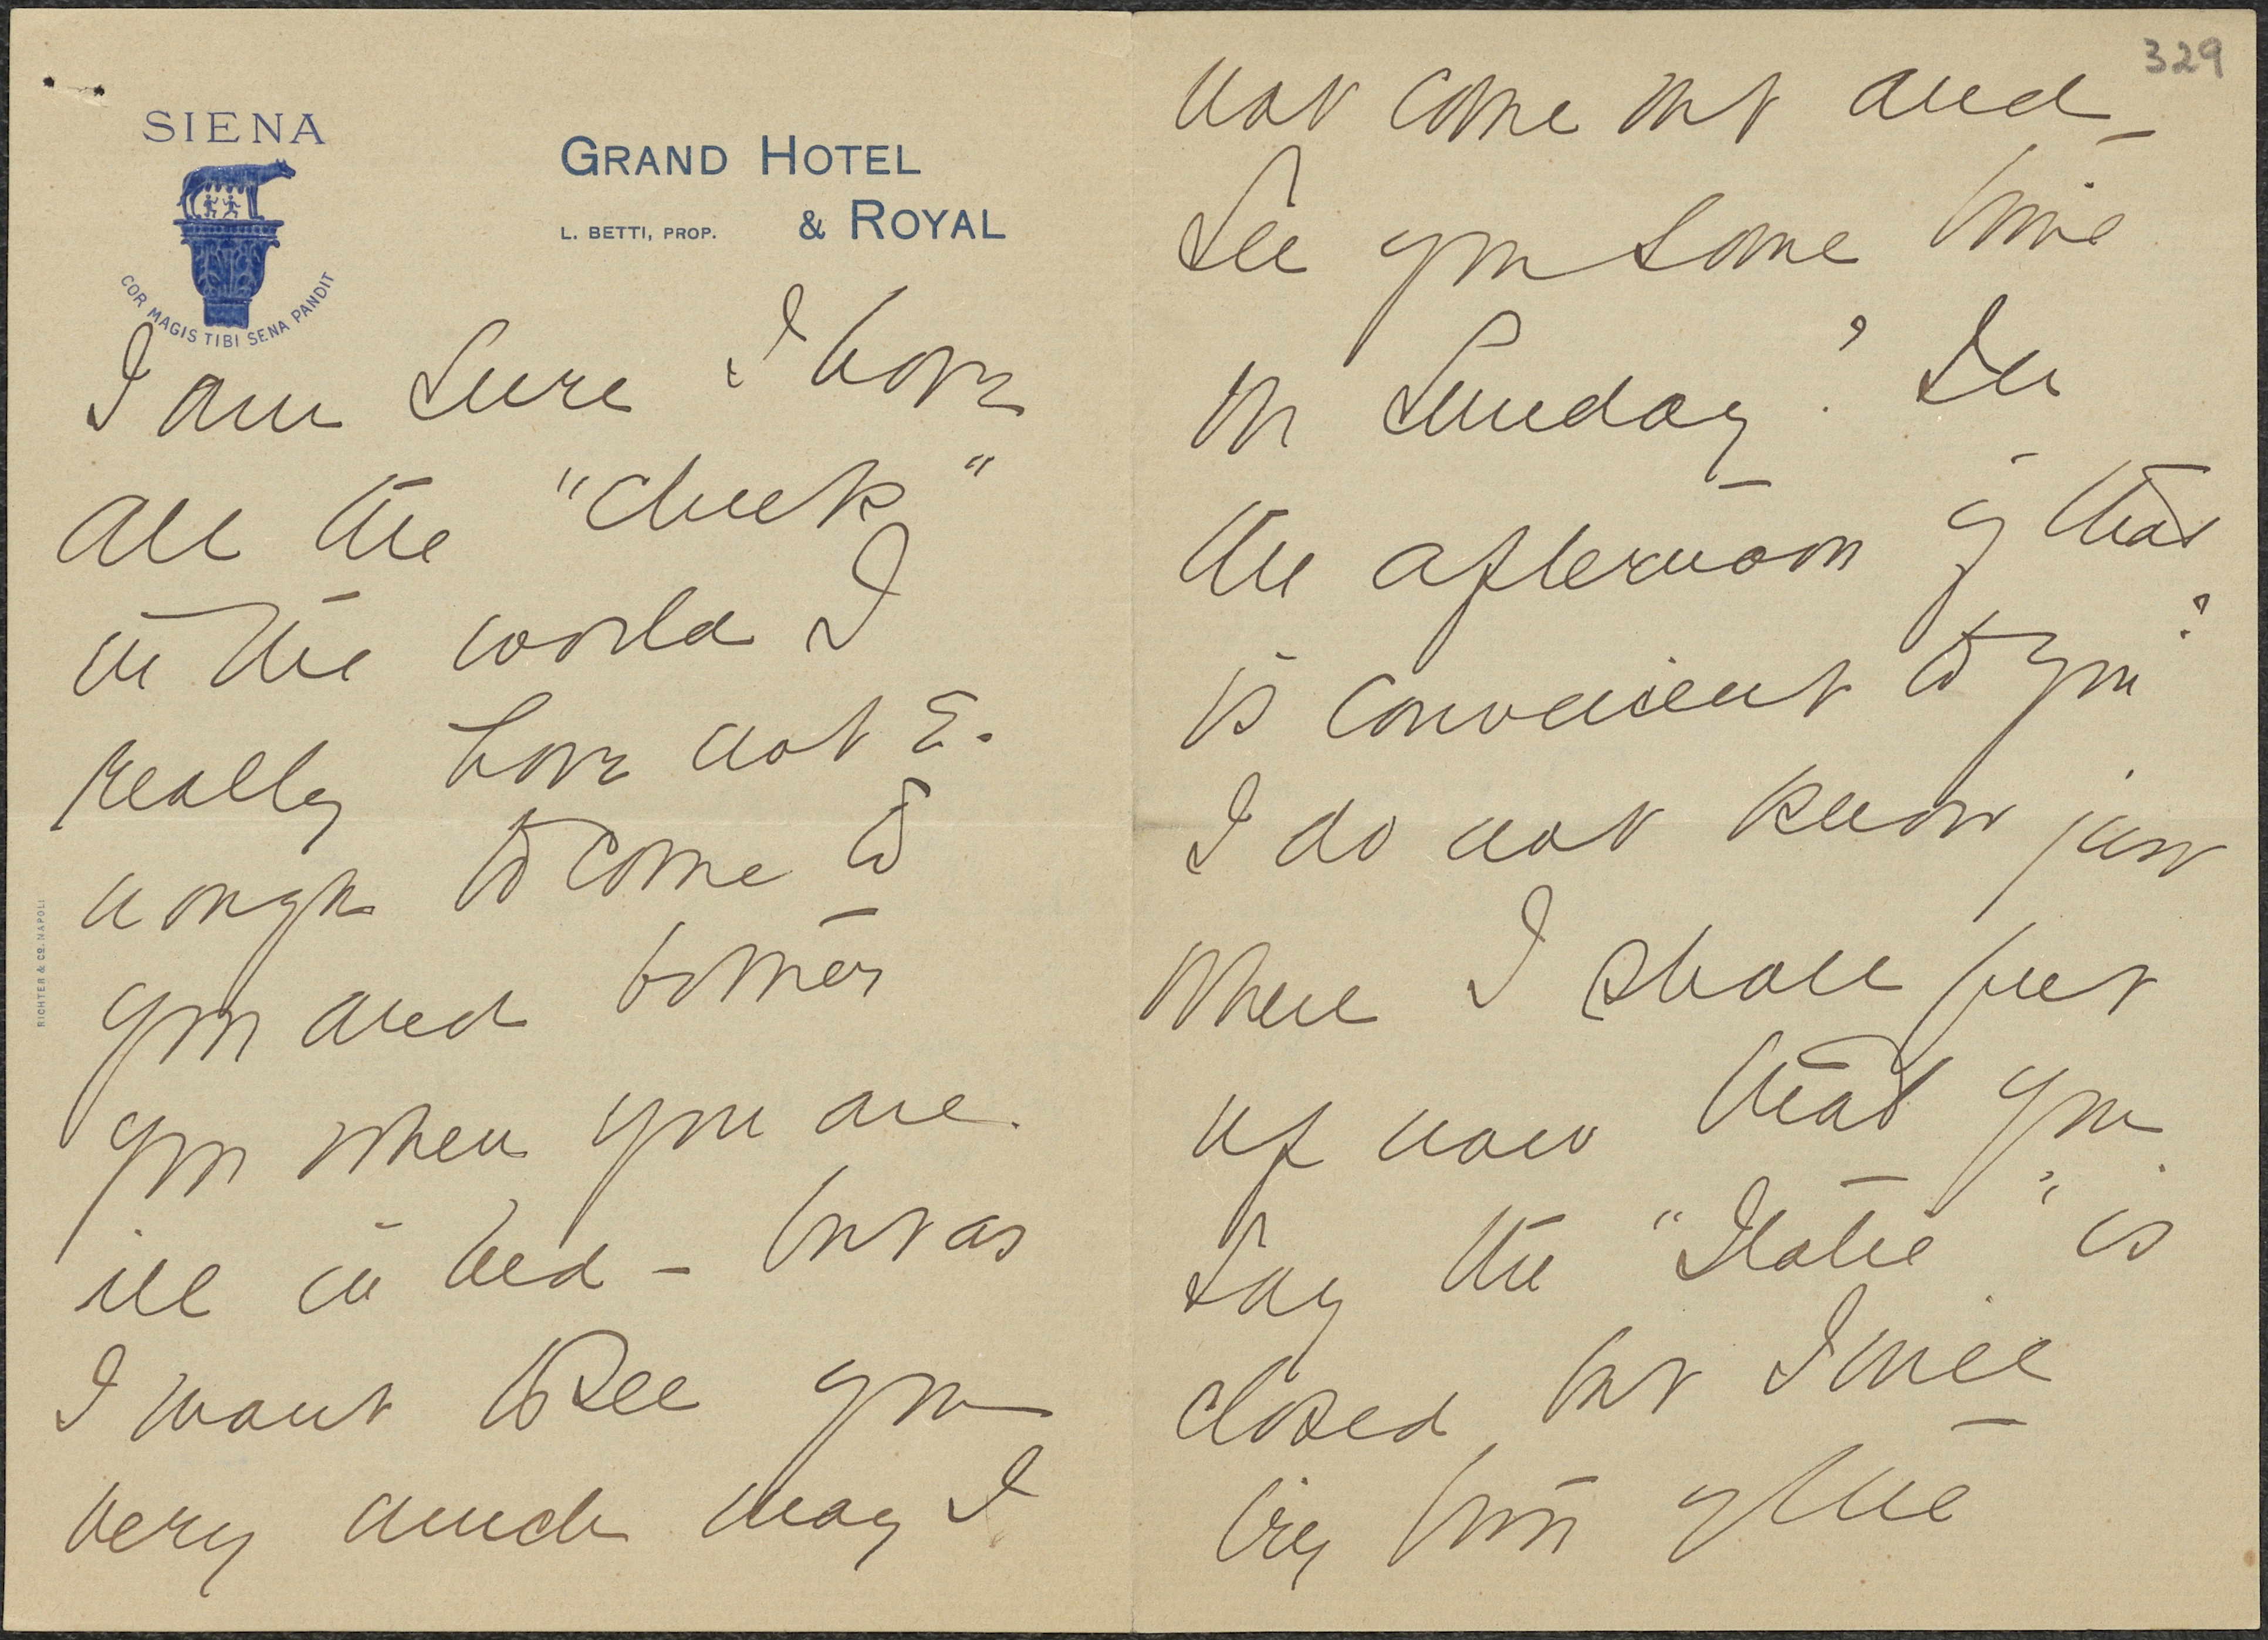I am sure I have all the “cheek” in the world I really have not enough to come to you and bother you when you are ill in bed – but as I want to see you very much may I
not come out and see you some time on Sunday? In the afternoon if that is convenient to you? I do not know just where I shall put up now that you say the “Italie” is closed but I will try both of the